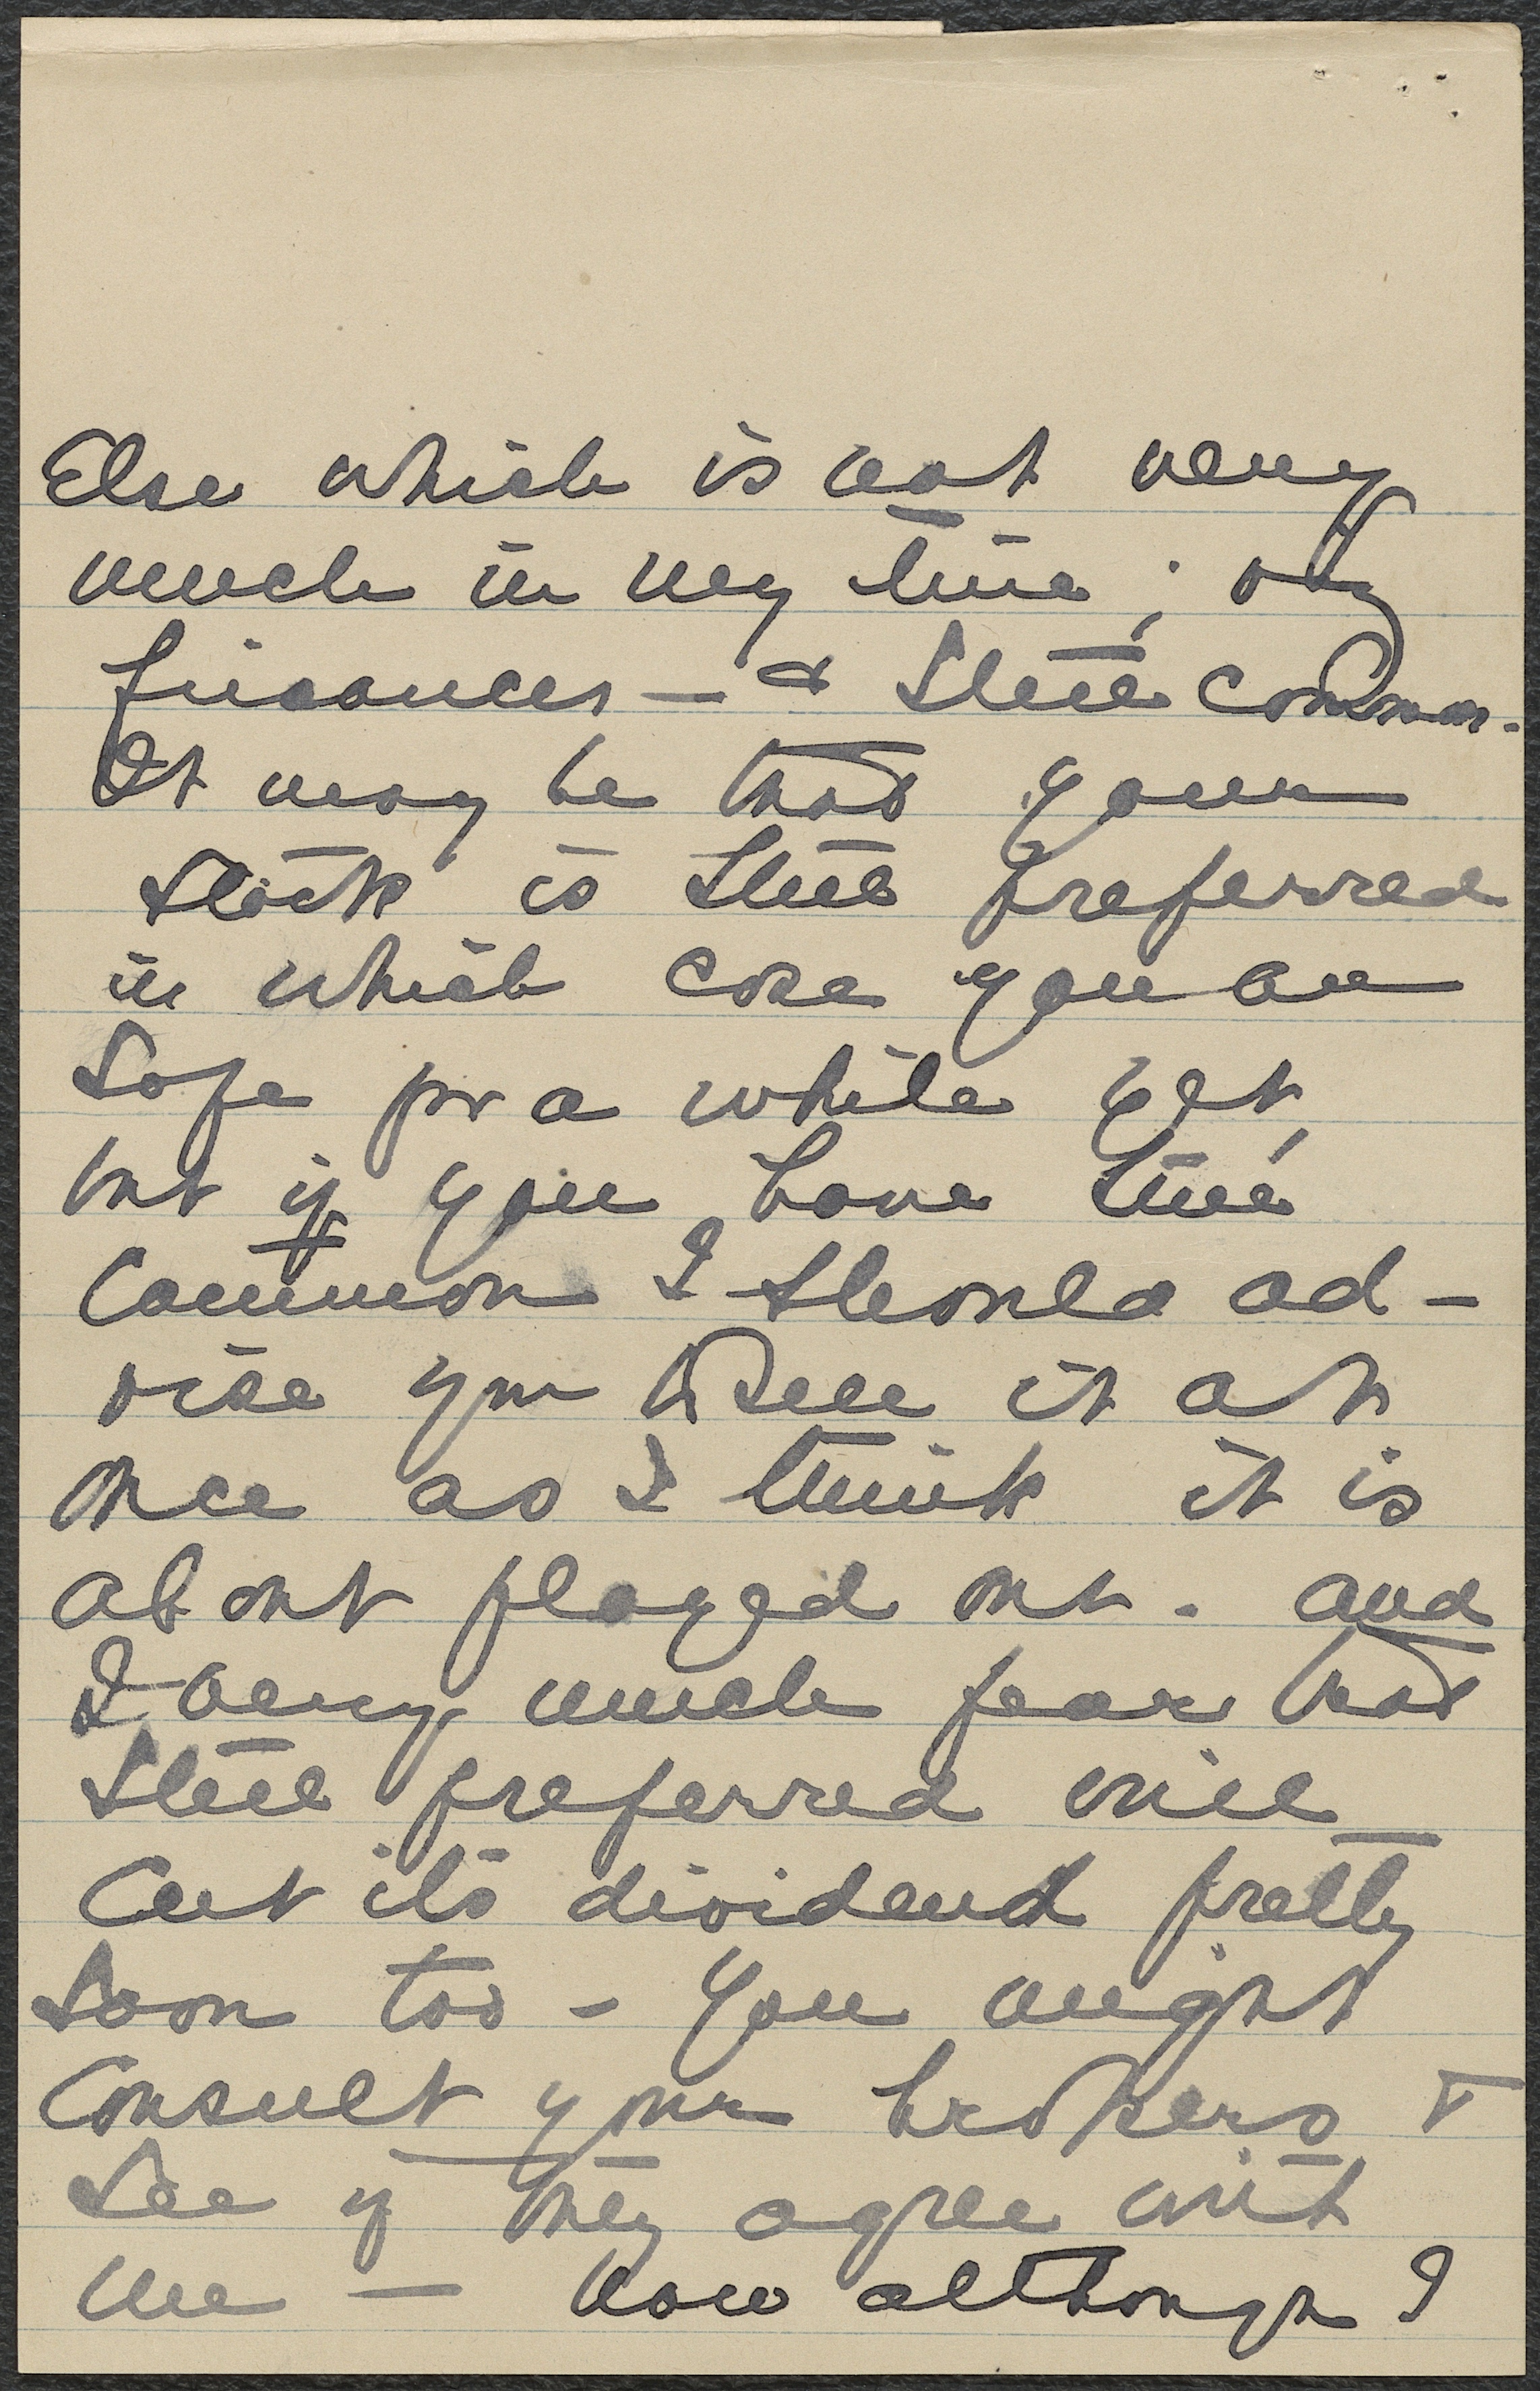else which is not very much in my time; viz finances – & Steel common
It may be that your stock is Steel preferred in which case you are safe for a while yet, but if you have the common I should advise you to sell it at once as I think it is about played out – and I very much fear that Steel preferred will cut its dividend pretty soon too – You might consult your brokers & see if they agree with me – now although I